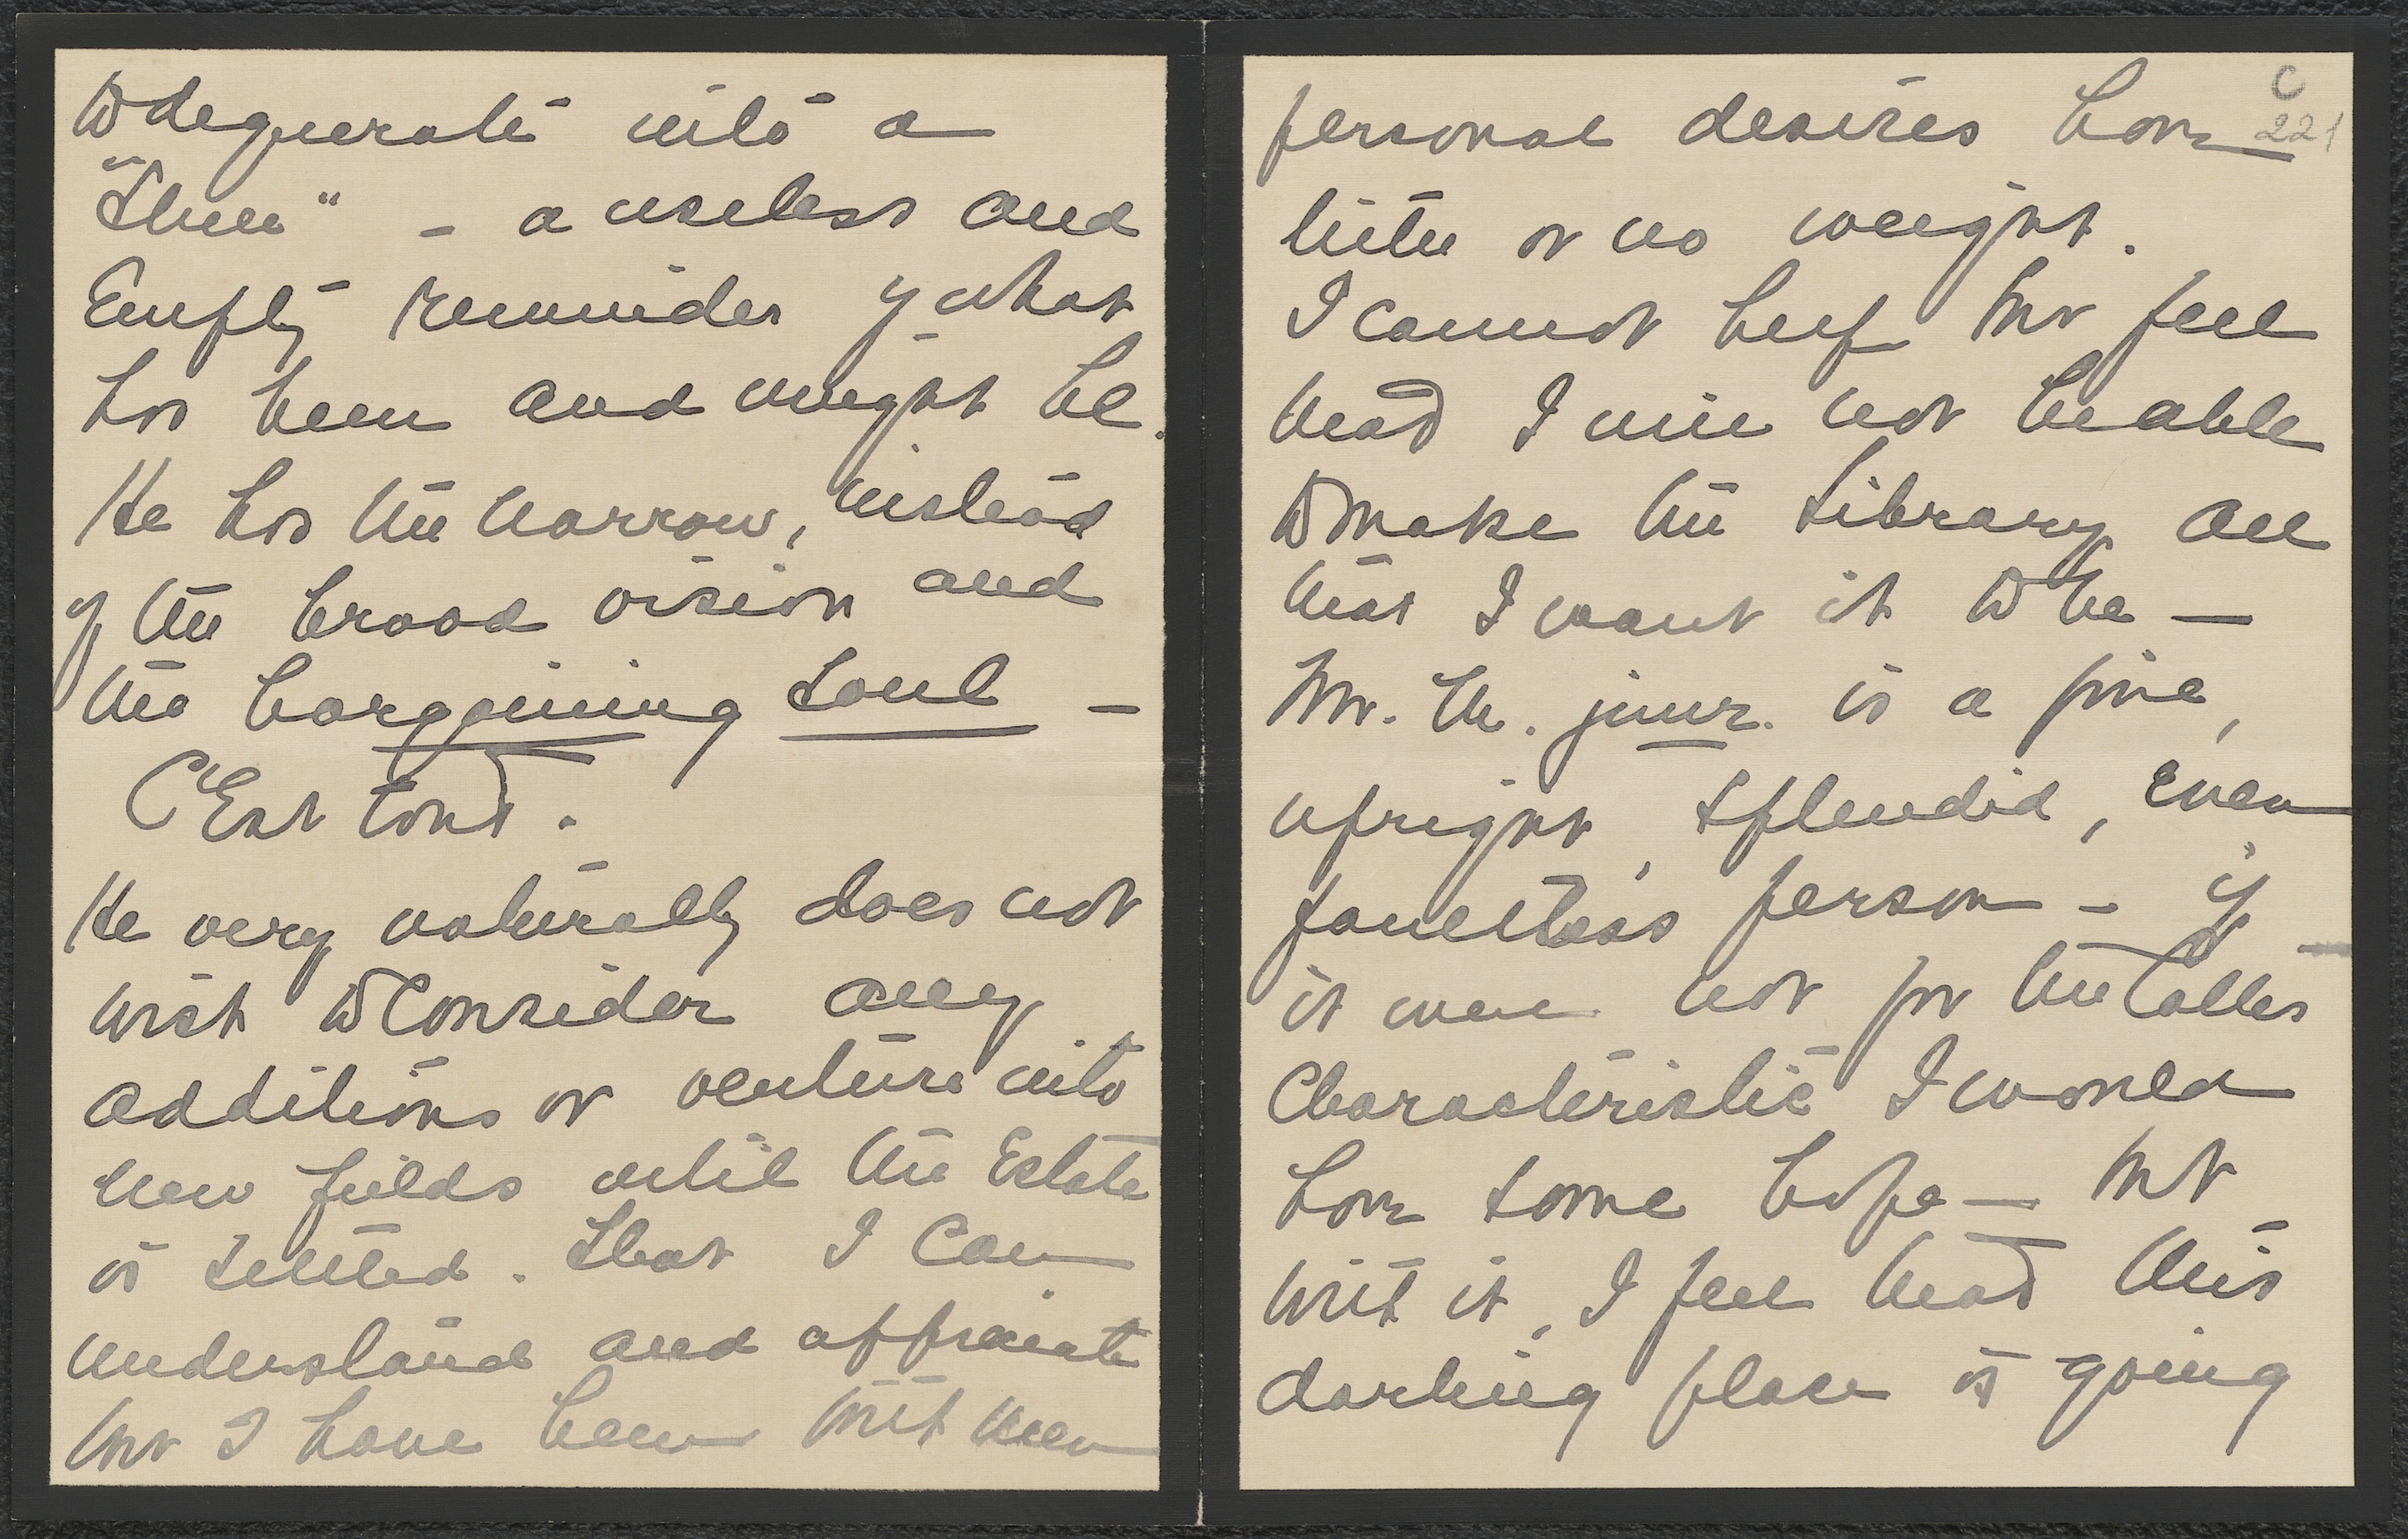personal desires have little or no weight. I cannot help but feel that I will not be able to make the Library all that I want to to be – Mr. M. junr. is a fine, upright, splendid, even faultless person – if it were not for the latter characteristic I would have some hope – but with it, I feel that this darling plan is going
to degenerate into a “shell” – a useless and empty reminder of what has been and might be. He has the narrow, instead of the broad vision and the bargaining soul – c’est tout.
He very naturally does not wish to consider any additions or venture into new fields until the estate is settled. That I can understand and appreciate but I have been with men